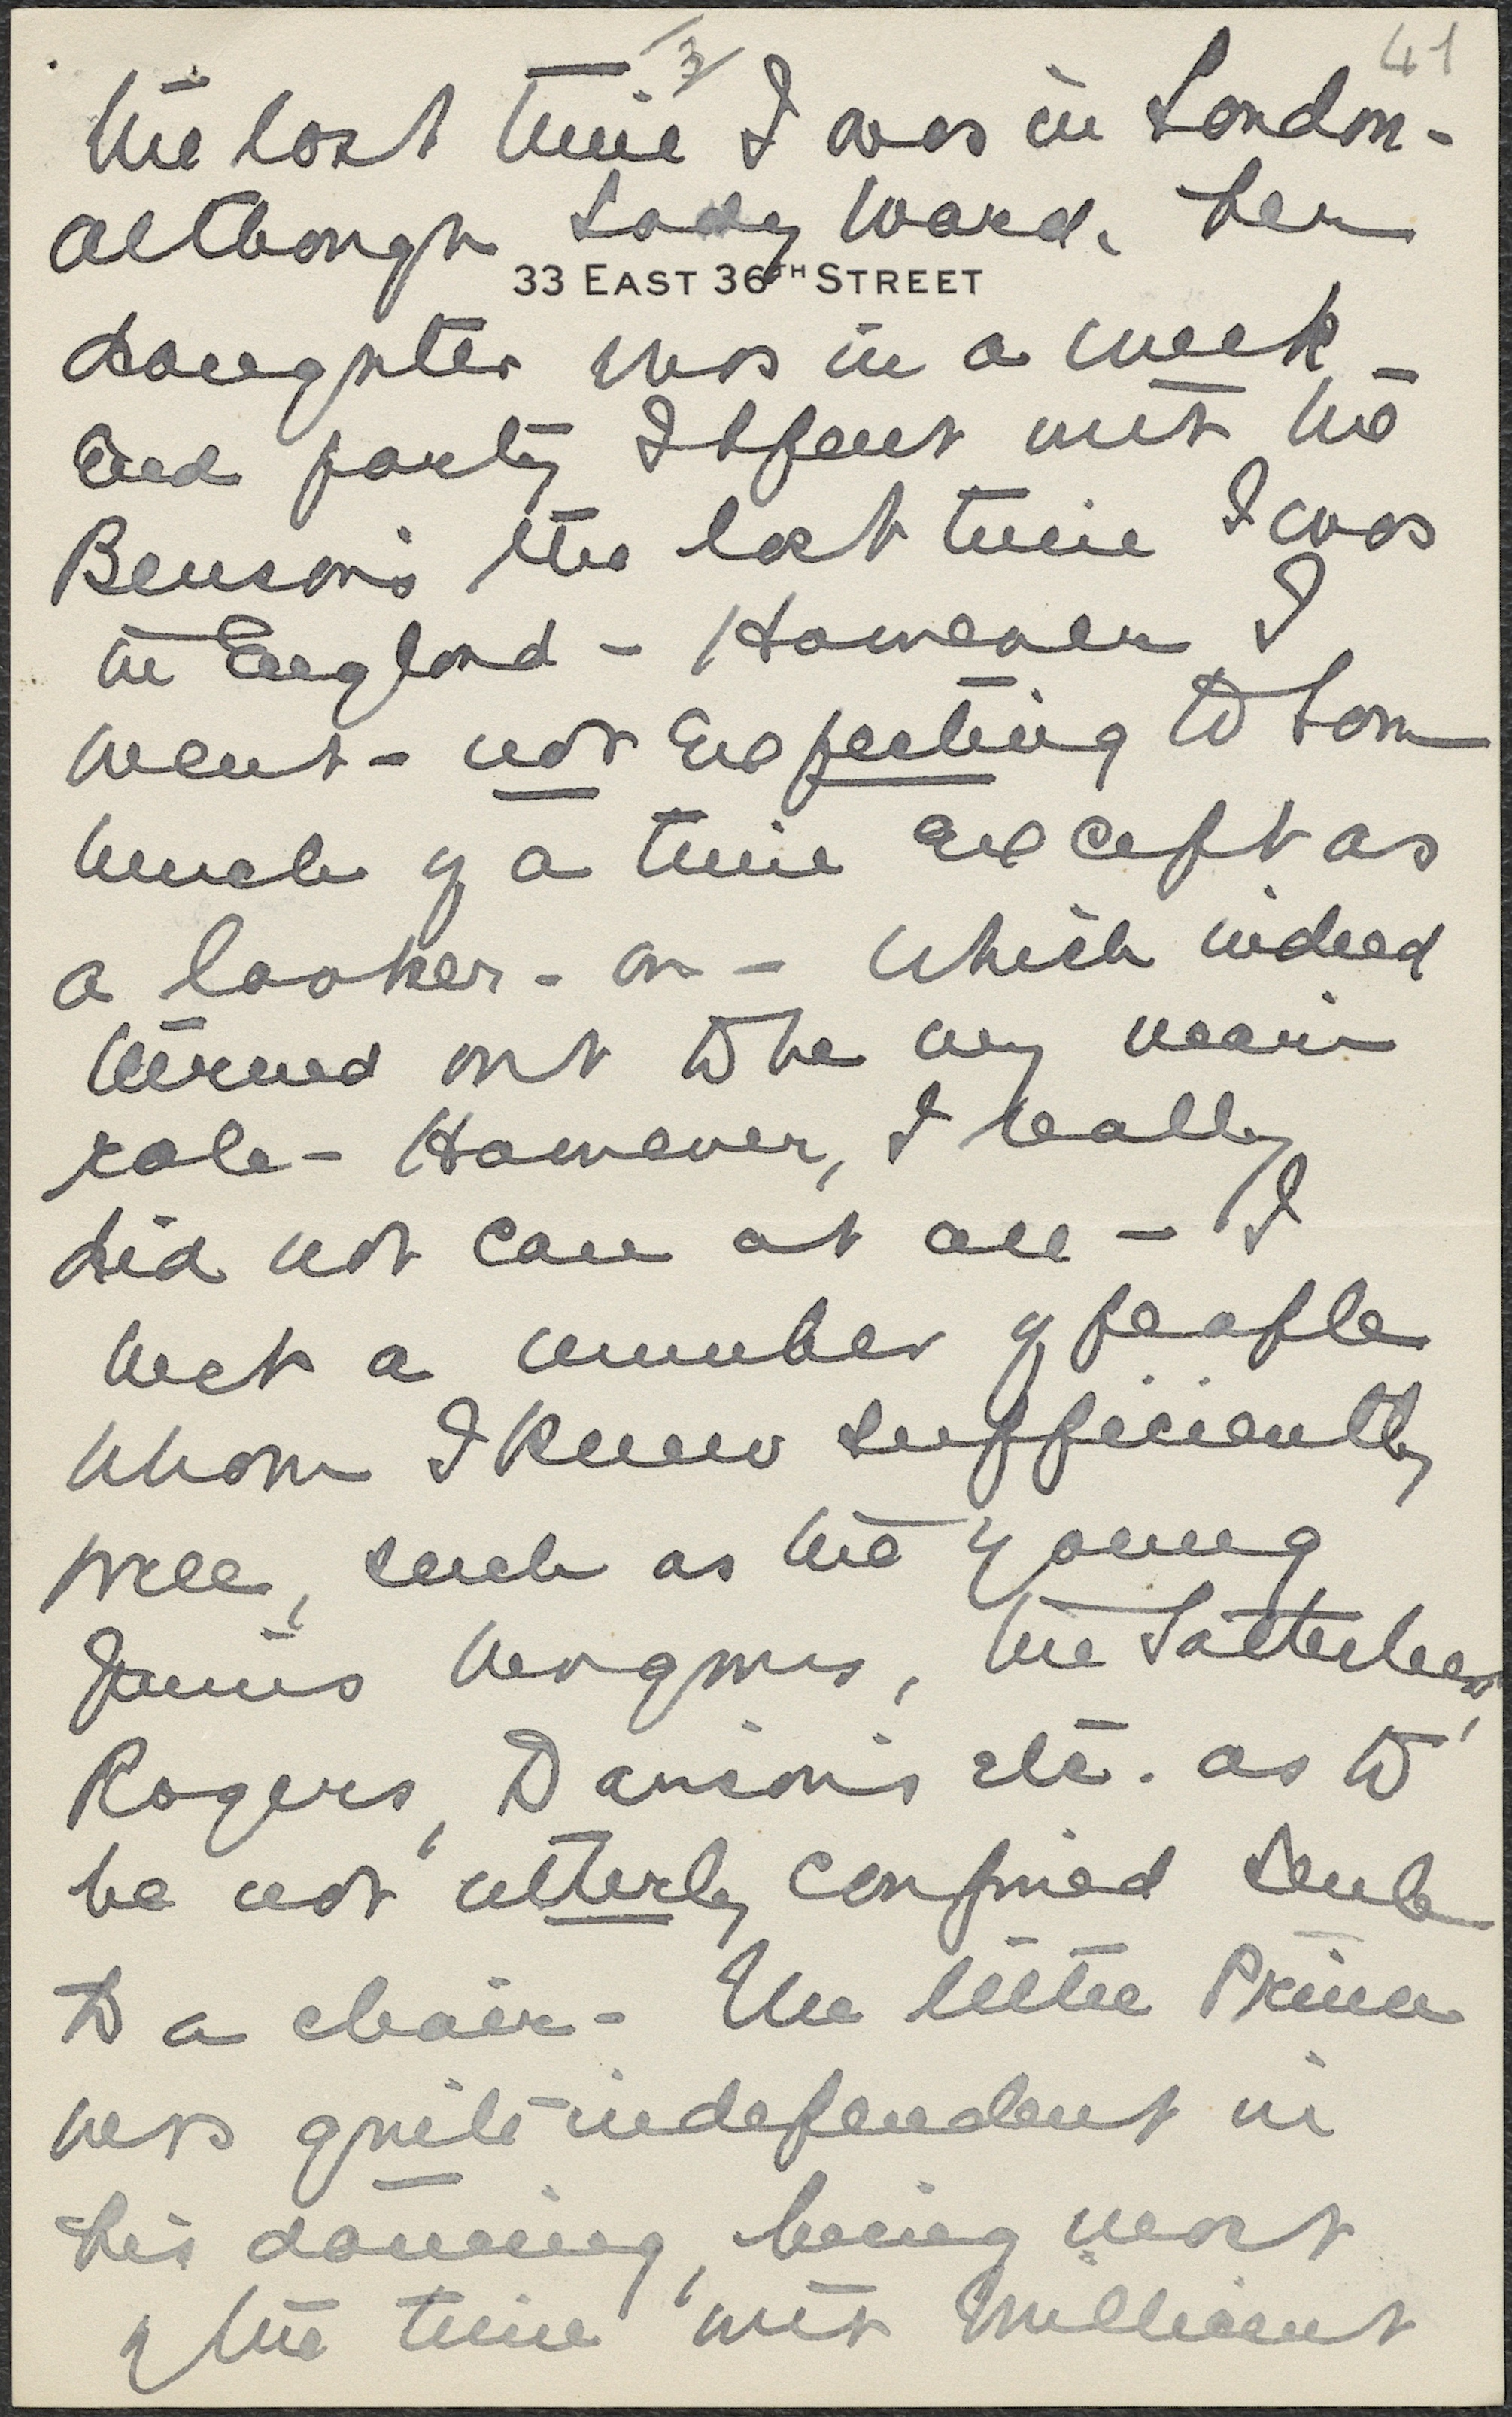the last time I was in London – although Lady Ward, her daughter was in a week end party I spent with the Benson's the last time I was in England – However I went – not expecting to have much of a time except as a looker-on – which indeed turned out to be my main role – However, I really did not care at all – I met a number of people whom I knew sufficiently well, such as the young Junius Morgan, the Satterlees, Rogers, Davisons, etc. as to be not utterly confined seule to a chair. The little Prince was quite independent in his dancing. being most of the time with Millicent